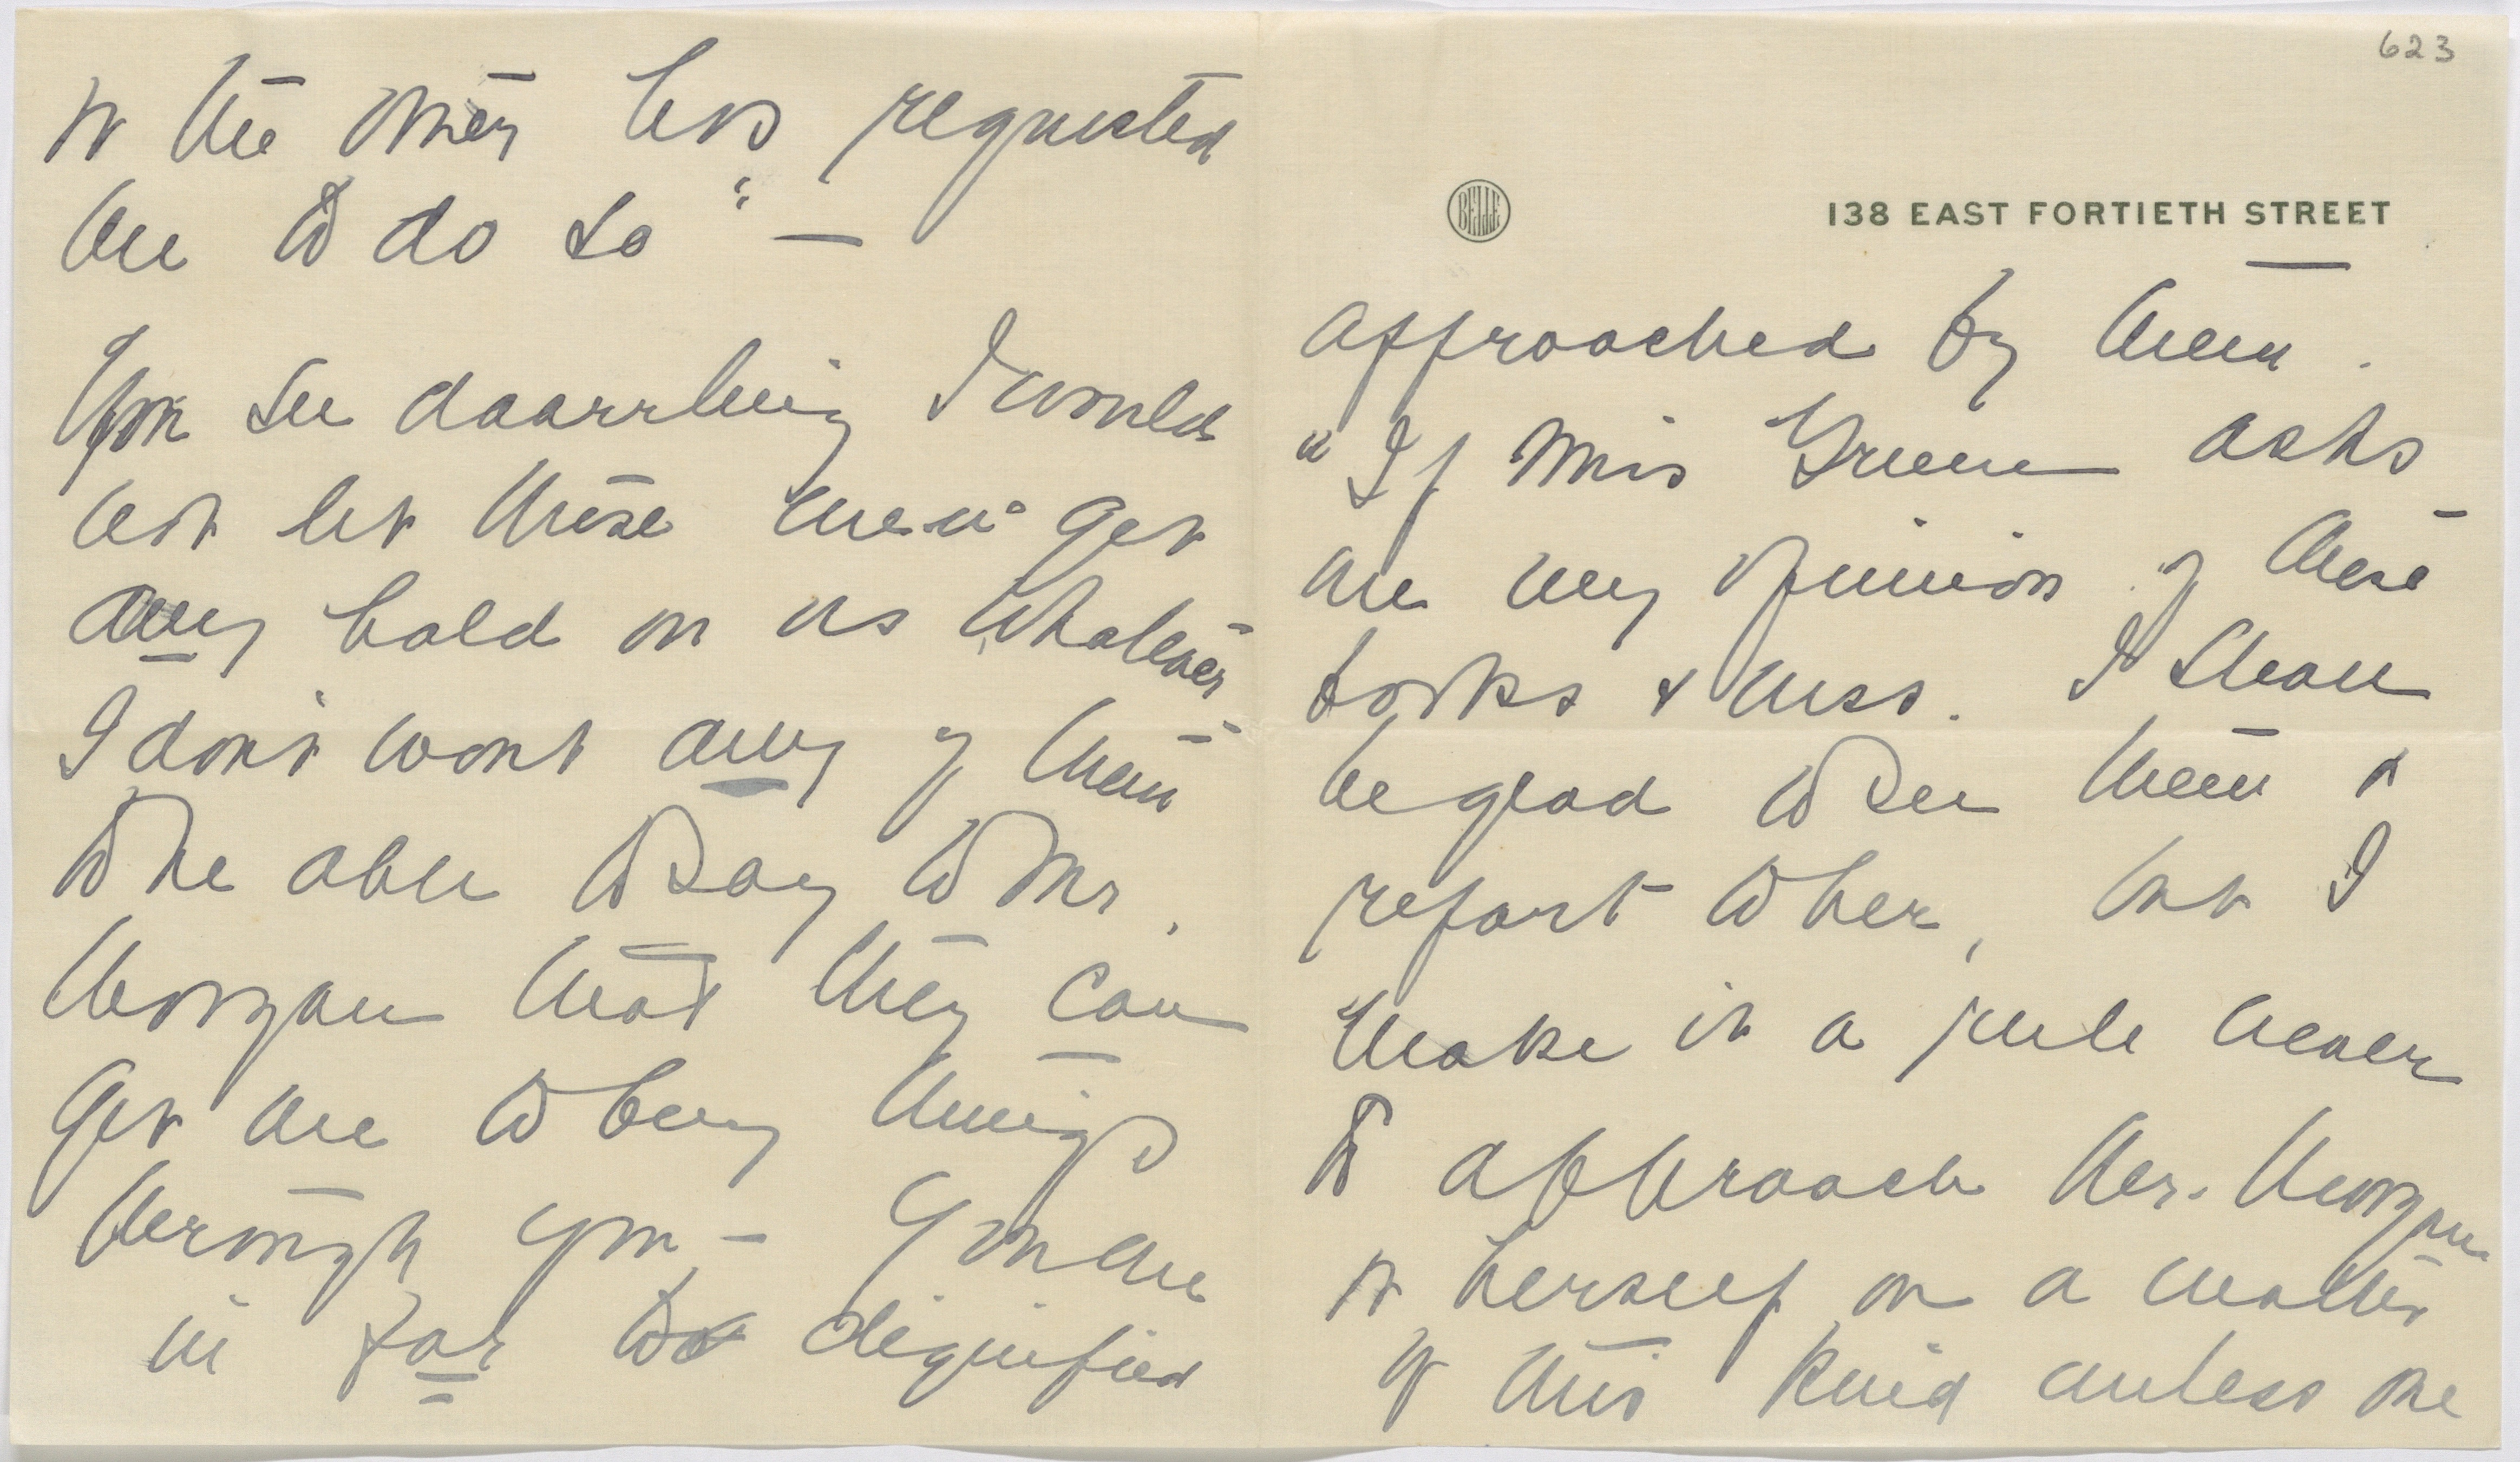approached by them.
“If Miss Greene asks me my opinion of these books & mss. I shall be glad to see them & report to her, but I make it a rule never to approach Mr. Morgan or herself on a matter of this kind unless one
or the other has requested me to do so” –
You see daarrling I would not let these men get any hold on us whatever – I don’t want any of them to be able to say to Mr. Morgan that they can get me to buy things through you – You are in [double underlined: far] too dignified